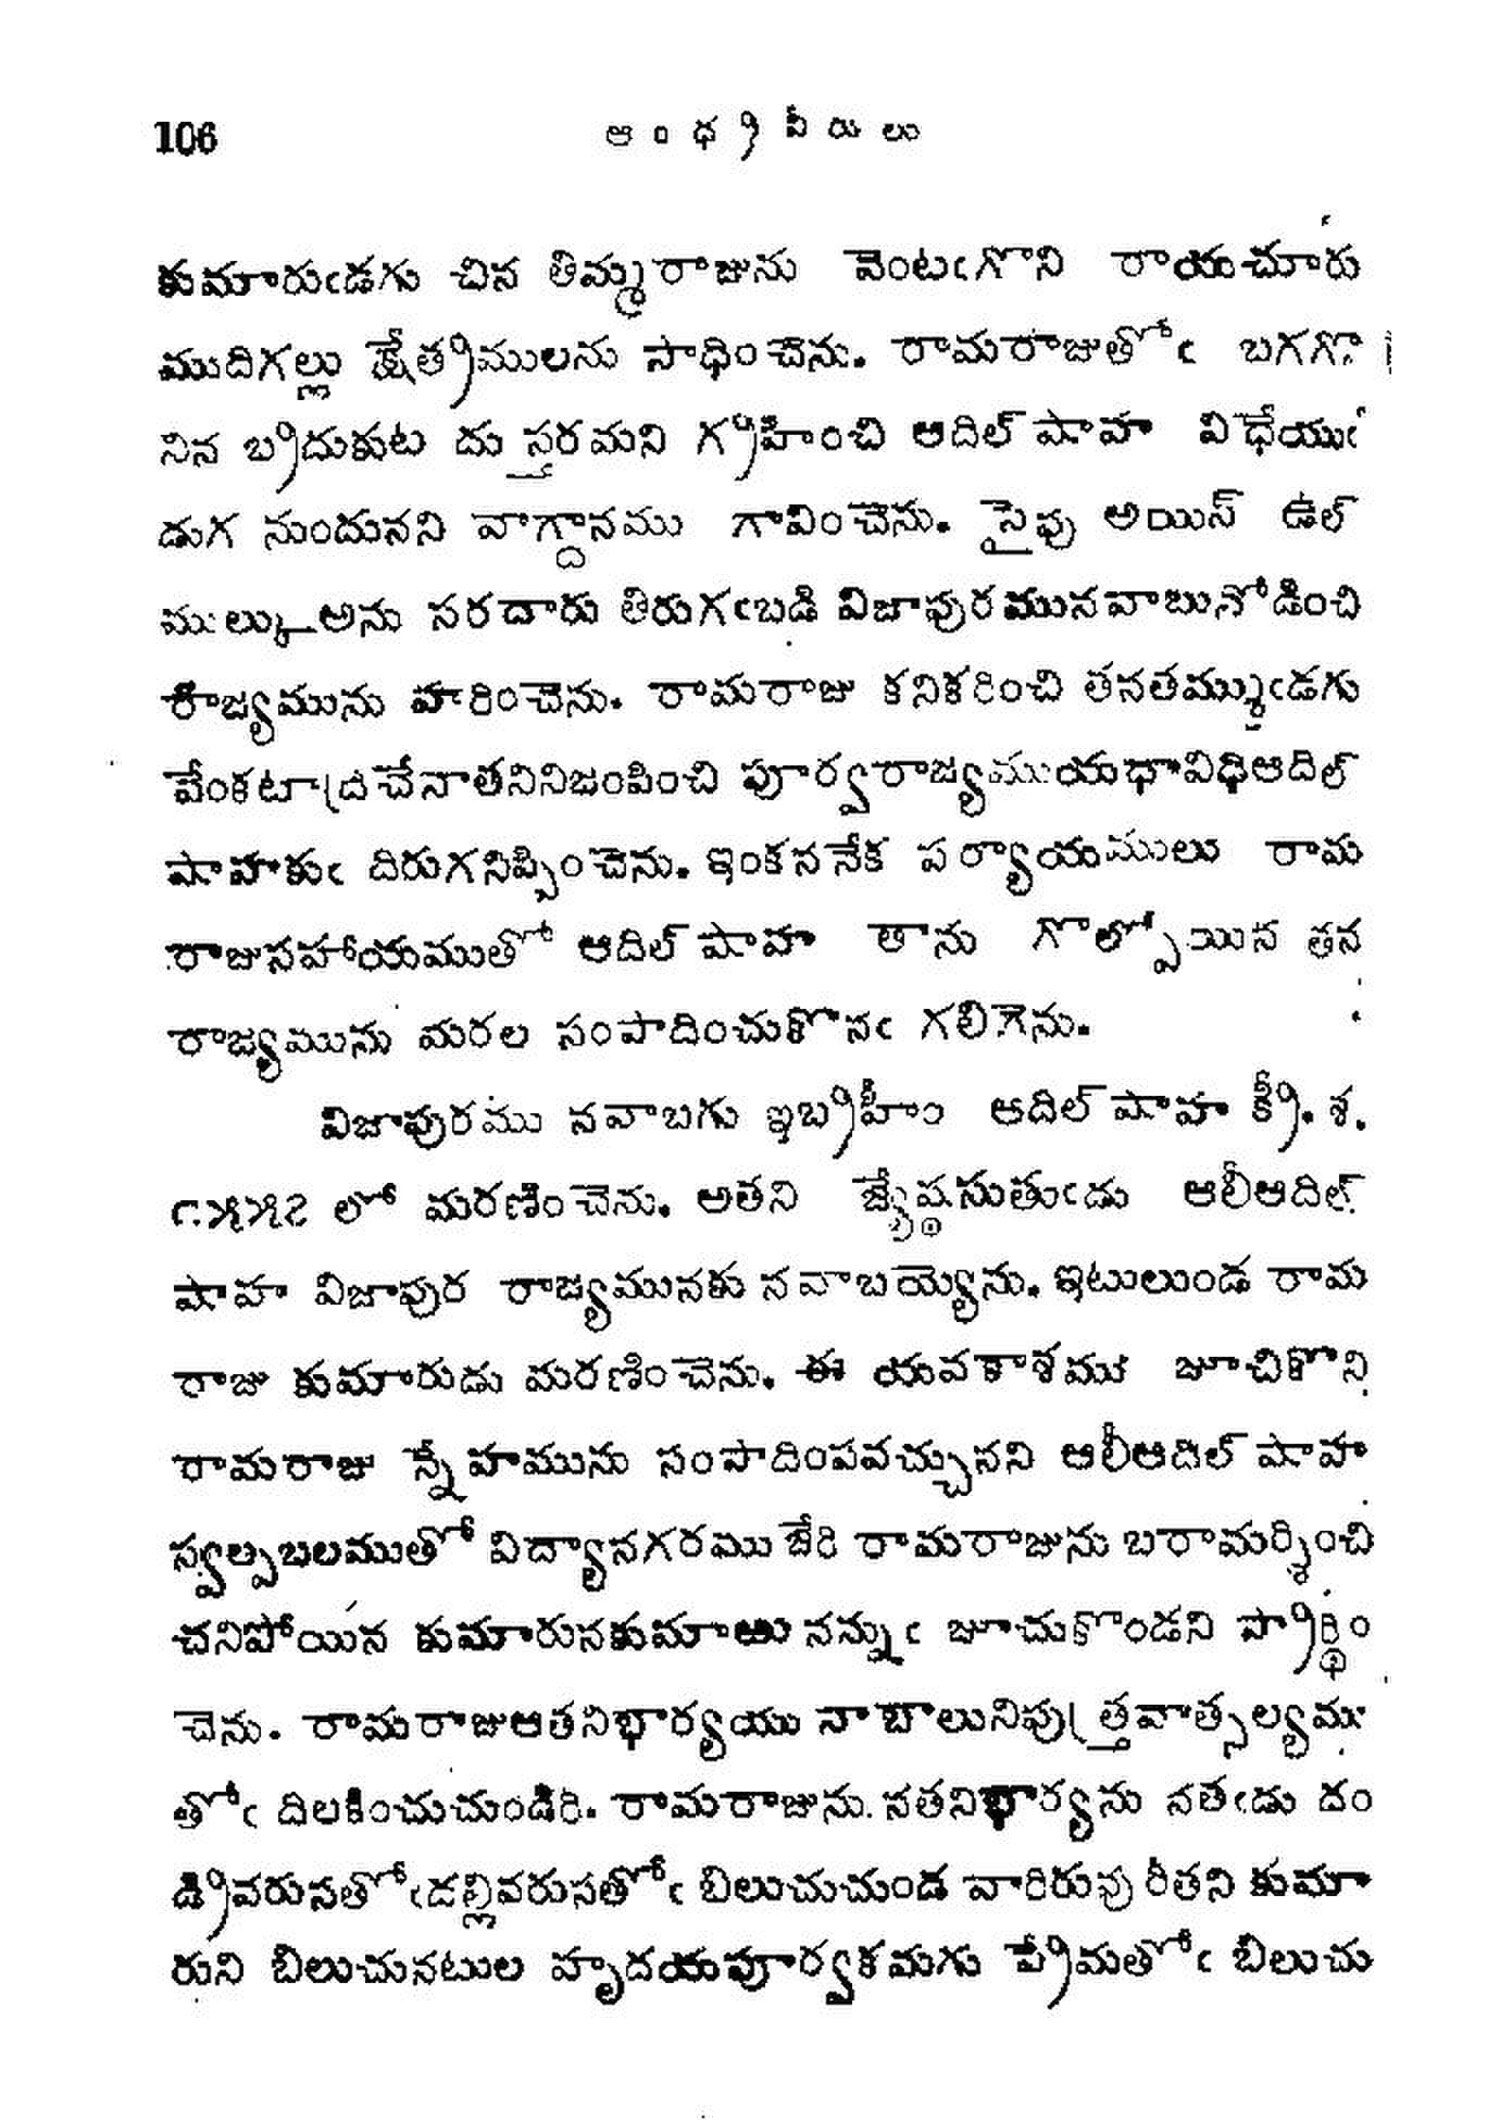కుమారుడగు చిన తమ్మరాజును వెంటగొని రాయచూరు ముదిగల్లు క్షేత్రములను సాదించెను. రామరాజుతో బగగొనిన బ్రదుకుట దుస్తరమని గ్రహించి ఆదిల్‌షాహ విధేయుడుగ నుందునని వాగ్దానము గావించెను. సైపు అయిస్ ఉల్‌ముల్కు అను సరదారు తిరుగబడి విజాపురమునవాబునోడించి రాజ్యమును హరించెను. రామరాజు కనికరించి తనతమ్ముడగు వేంకటాద్రిచేనాతనినిజంపించి పూర్వరాజ్యముయధావిధి ఆదిల్‌షాహకు దిరుగనిప్పించెను. ఇంకననేక పర్యాయములు రామరాజుసహాయముతో ఆదిల్‌షాహ తాను గోల్పోయిన తన రాజ్యమును మరల సంపాదించుకొన గలిగెను.

విజాపురము నవాబగు ఇబ్రహీం ఆదిల్‌షాహ క్రీ.శ. 1557 లో మరణించెను. అతని జ్వేష్ఠసుతుడు ఆలీఆదిల్‌షాహ విజాపుర రాజ్యమునకు నవాబయ్యెను. ఇటులుండ రామరాజు కుమారుడు మరణించెను. ఈ యవకాశము జూచికొని రామరాజు స్నేహమును సంపాదింపవచ్చునని ఆలీఆదిల్‌షాహ స్వల్పబలముతో విద్యానగరముజేరి రామరాజును బరామర్శించి చనిపోయిన కుమారునకు మాఱు నన్ను జూచుకొండని ప్రార్థించెను. రామరాజు ఆతనిభార్యయు నాబాలునిపుత్రవాత్సల్యముతో దిలకించుచుండిరి. రామరాజును నతనిభార్యను నతడు దండ్రివరుసతో దల్లివరుసతో బిలుచుచుండ వారిరువు రీతని కుమారుని బిలుచునటుల హృదయపూర్వకముగు ప్రేమతో బిలుచు